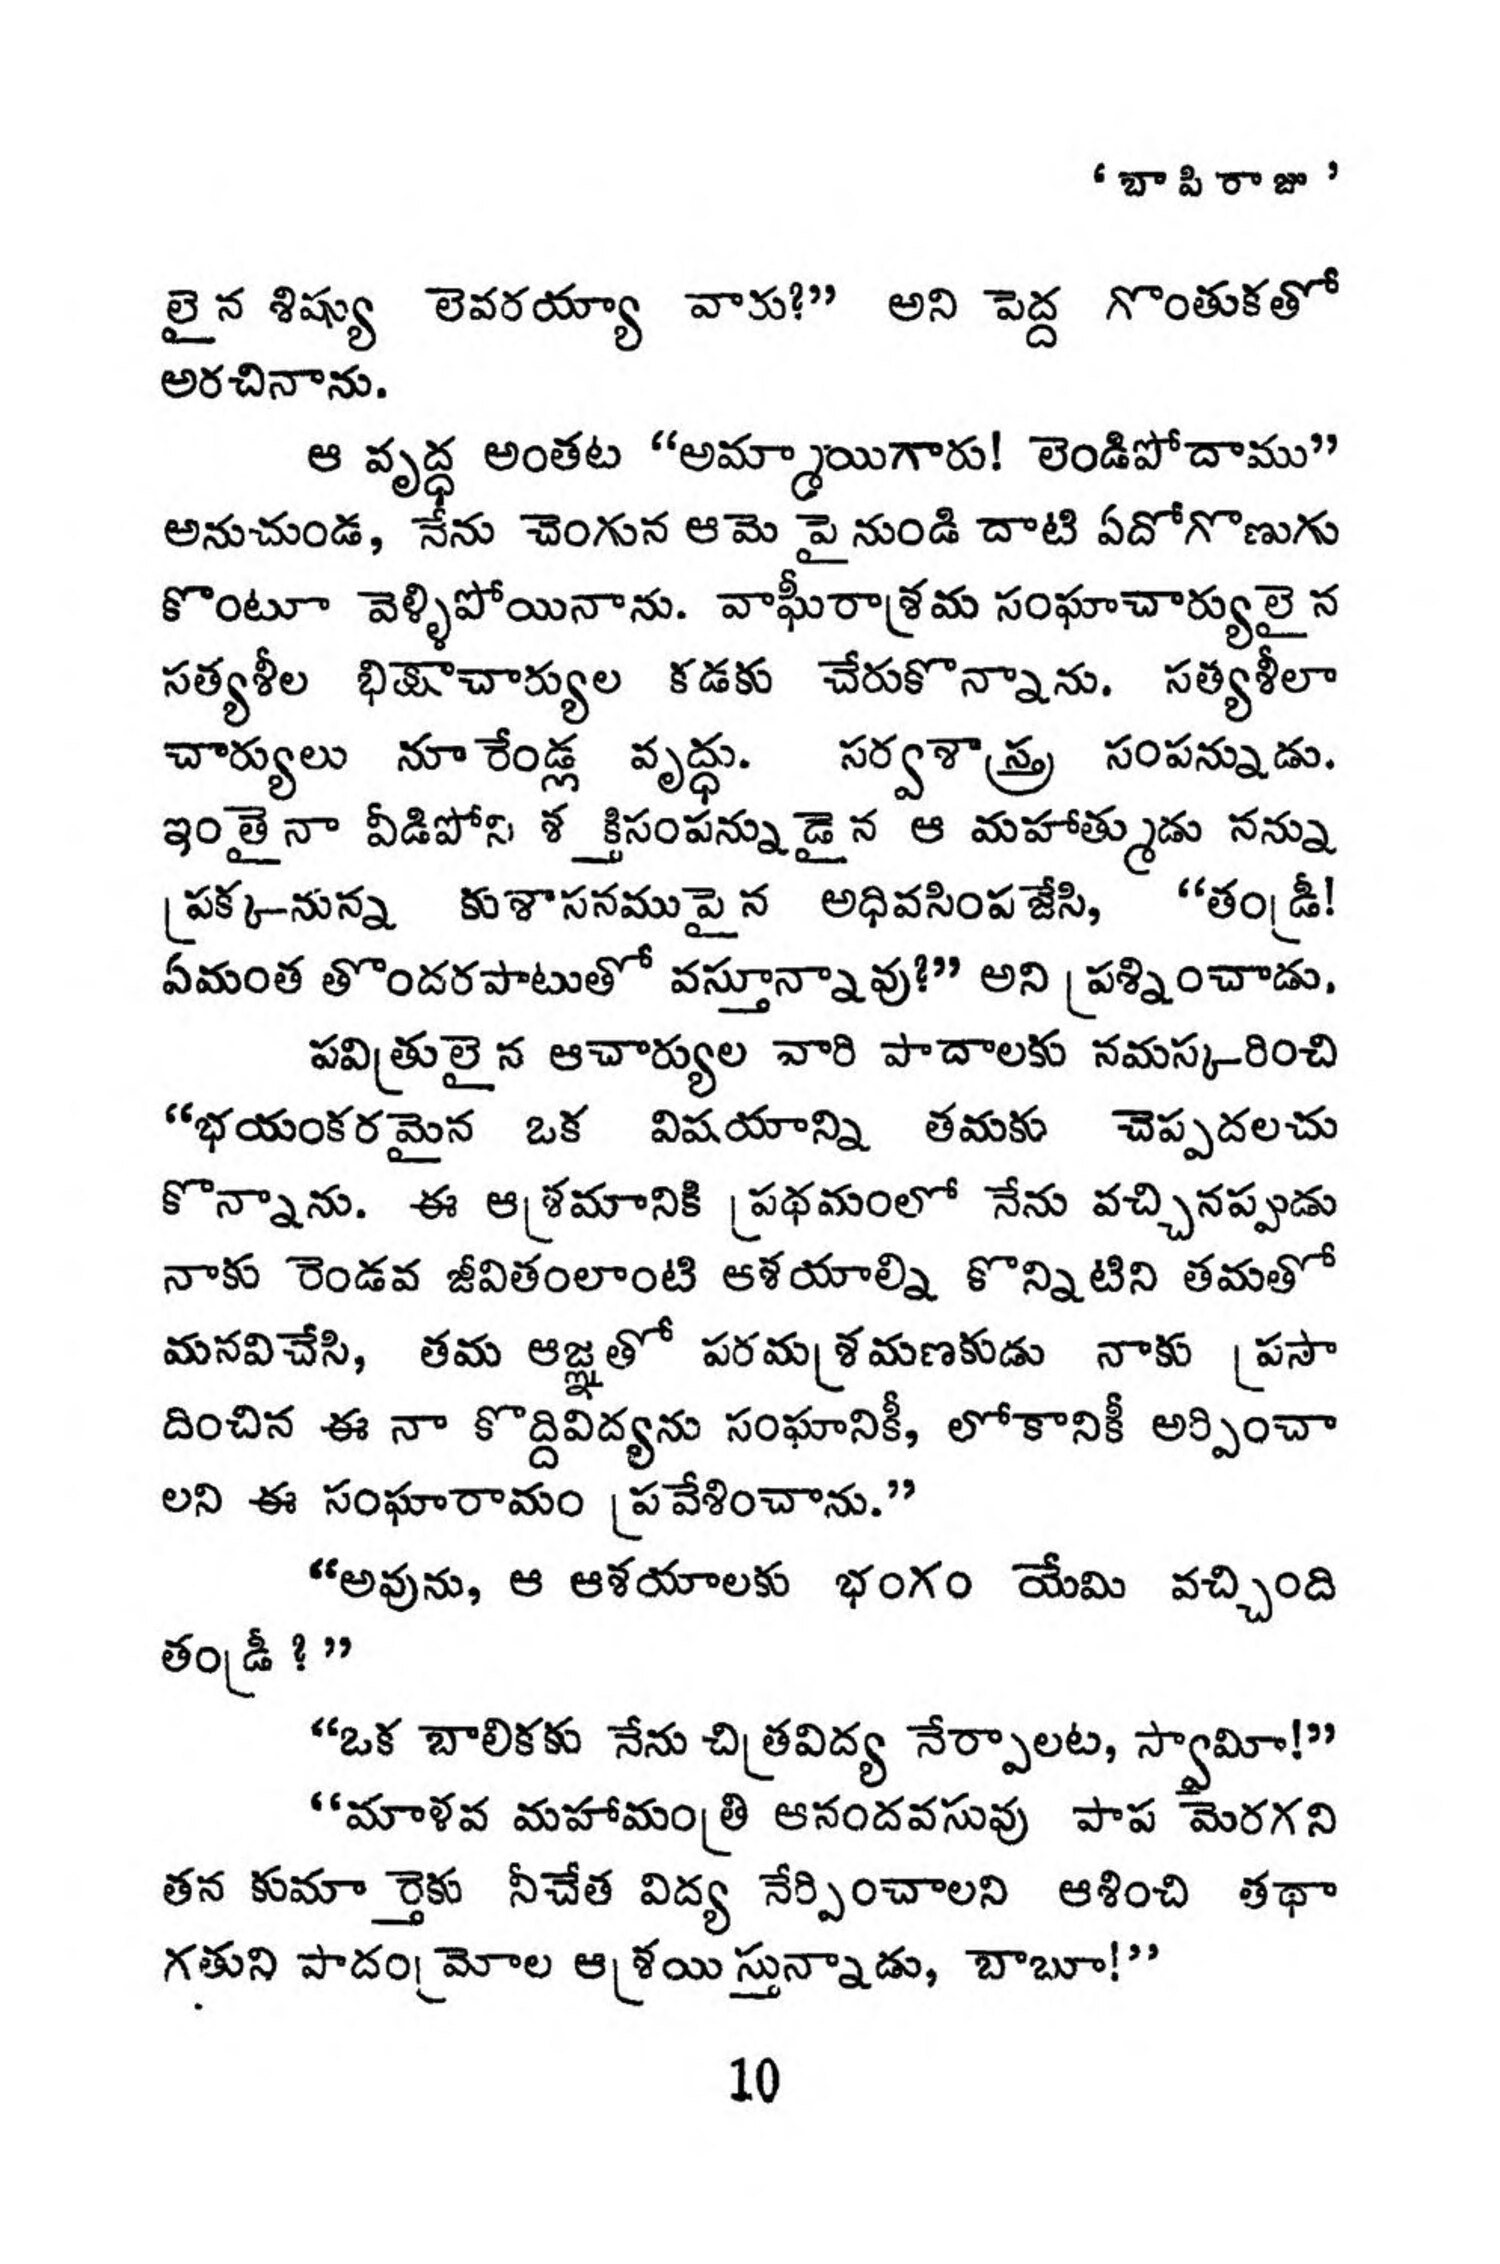లైన శిష్యు లెవరయ్యా వారు?” అని పెద్ద గొంతుకతో అరచినాను.

ఆ వృద్ధ అంతట “అమ్మాయిగారు! లెండిపోదాము” అనుచుండ, నేను చెంగున ఆమె పైనుండి దాటి ఏదోగొణుగు కొంటూ వెళ్ళిపోయినాను. వాఘీరాశ్రమ సంఘాచార్యులైన సత్యశీల భిక్షాచార్యుల కడకు చేరుకొన్నాను. సత్యశీలాచార్యులు నూరేండ్ల వృద్ధు. సర్వశాస్త్ర సంపన్నుడు. ఇంతైనా వీడిపోని శక్తిసంపన్నుడైన ఆ మహాత్ముడు నన్ను ప్రక్కనున్న కుశాసనముపైన అధివసింపజేసి, “తండ్రీ! ఏమంత తొందరపాటుతో వస్తూన్నావు?” అని ప్రశ్నించాడు.

పవిత్రులైన ఆచార్యుల వారి పాదాలకు నమస్కరించి “భయంకరమైన ఒక విషయాన్ని తమకు చెప్పదలచుకొన్నాను. ఈ ఆశ్రమానికి ప్రథమంలో నేను వచ్చినప్పుడు నాకు రెండవ జీవితంలాంటి ఆశయాల్ని కొన్నిటిని తమతో మనవిచేసి, తమ ఆజ్ఞతో పరమశ్రమణకుడు నాకు ప్రసాదించిన ఈ నా కొద్దివిద్యను సంఘానికీ, లోకానికీ అర్పించాలని ఈ సంఘారామం ప్రవేశించాను.”

“అవును, ఆ ఆశయాలకు భంగం యేమి వచ్చింది తండ్రీ?”

“ఒక బాలికకు నేను చిత్రవిద్య నేర్పాలట, స్వామీ!”

“మాళవ మహామంత్రి ఆనందవసువు పాప మెరగని తన కుమార్తెకు నీచేత విద్య నేర్పించాలని ఆశించి తథా గతుని పాదంమ్రోల ఆశ్రయిస్తున్నాడు, బాబూ!”